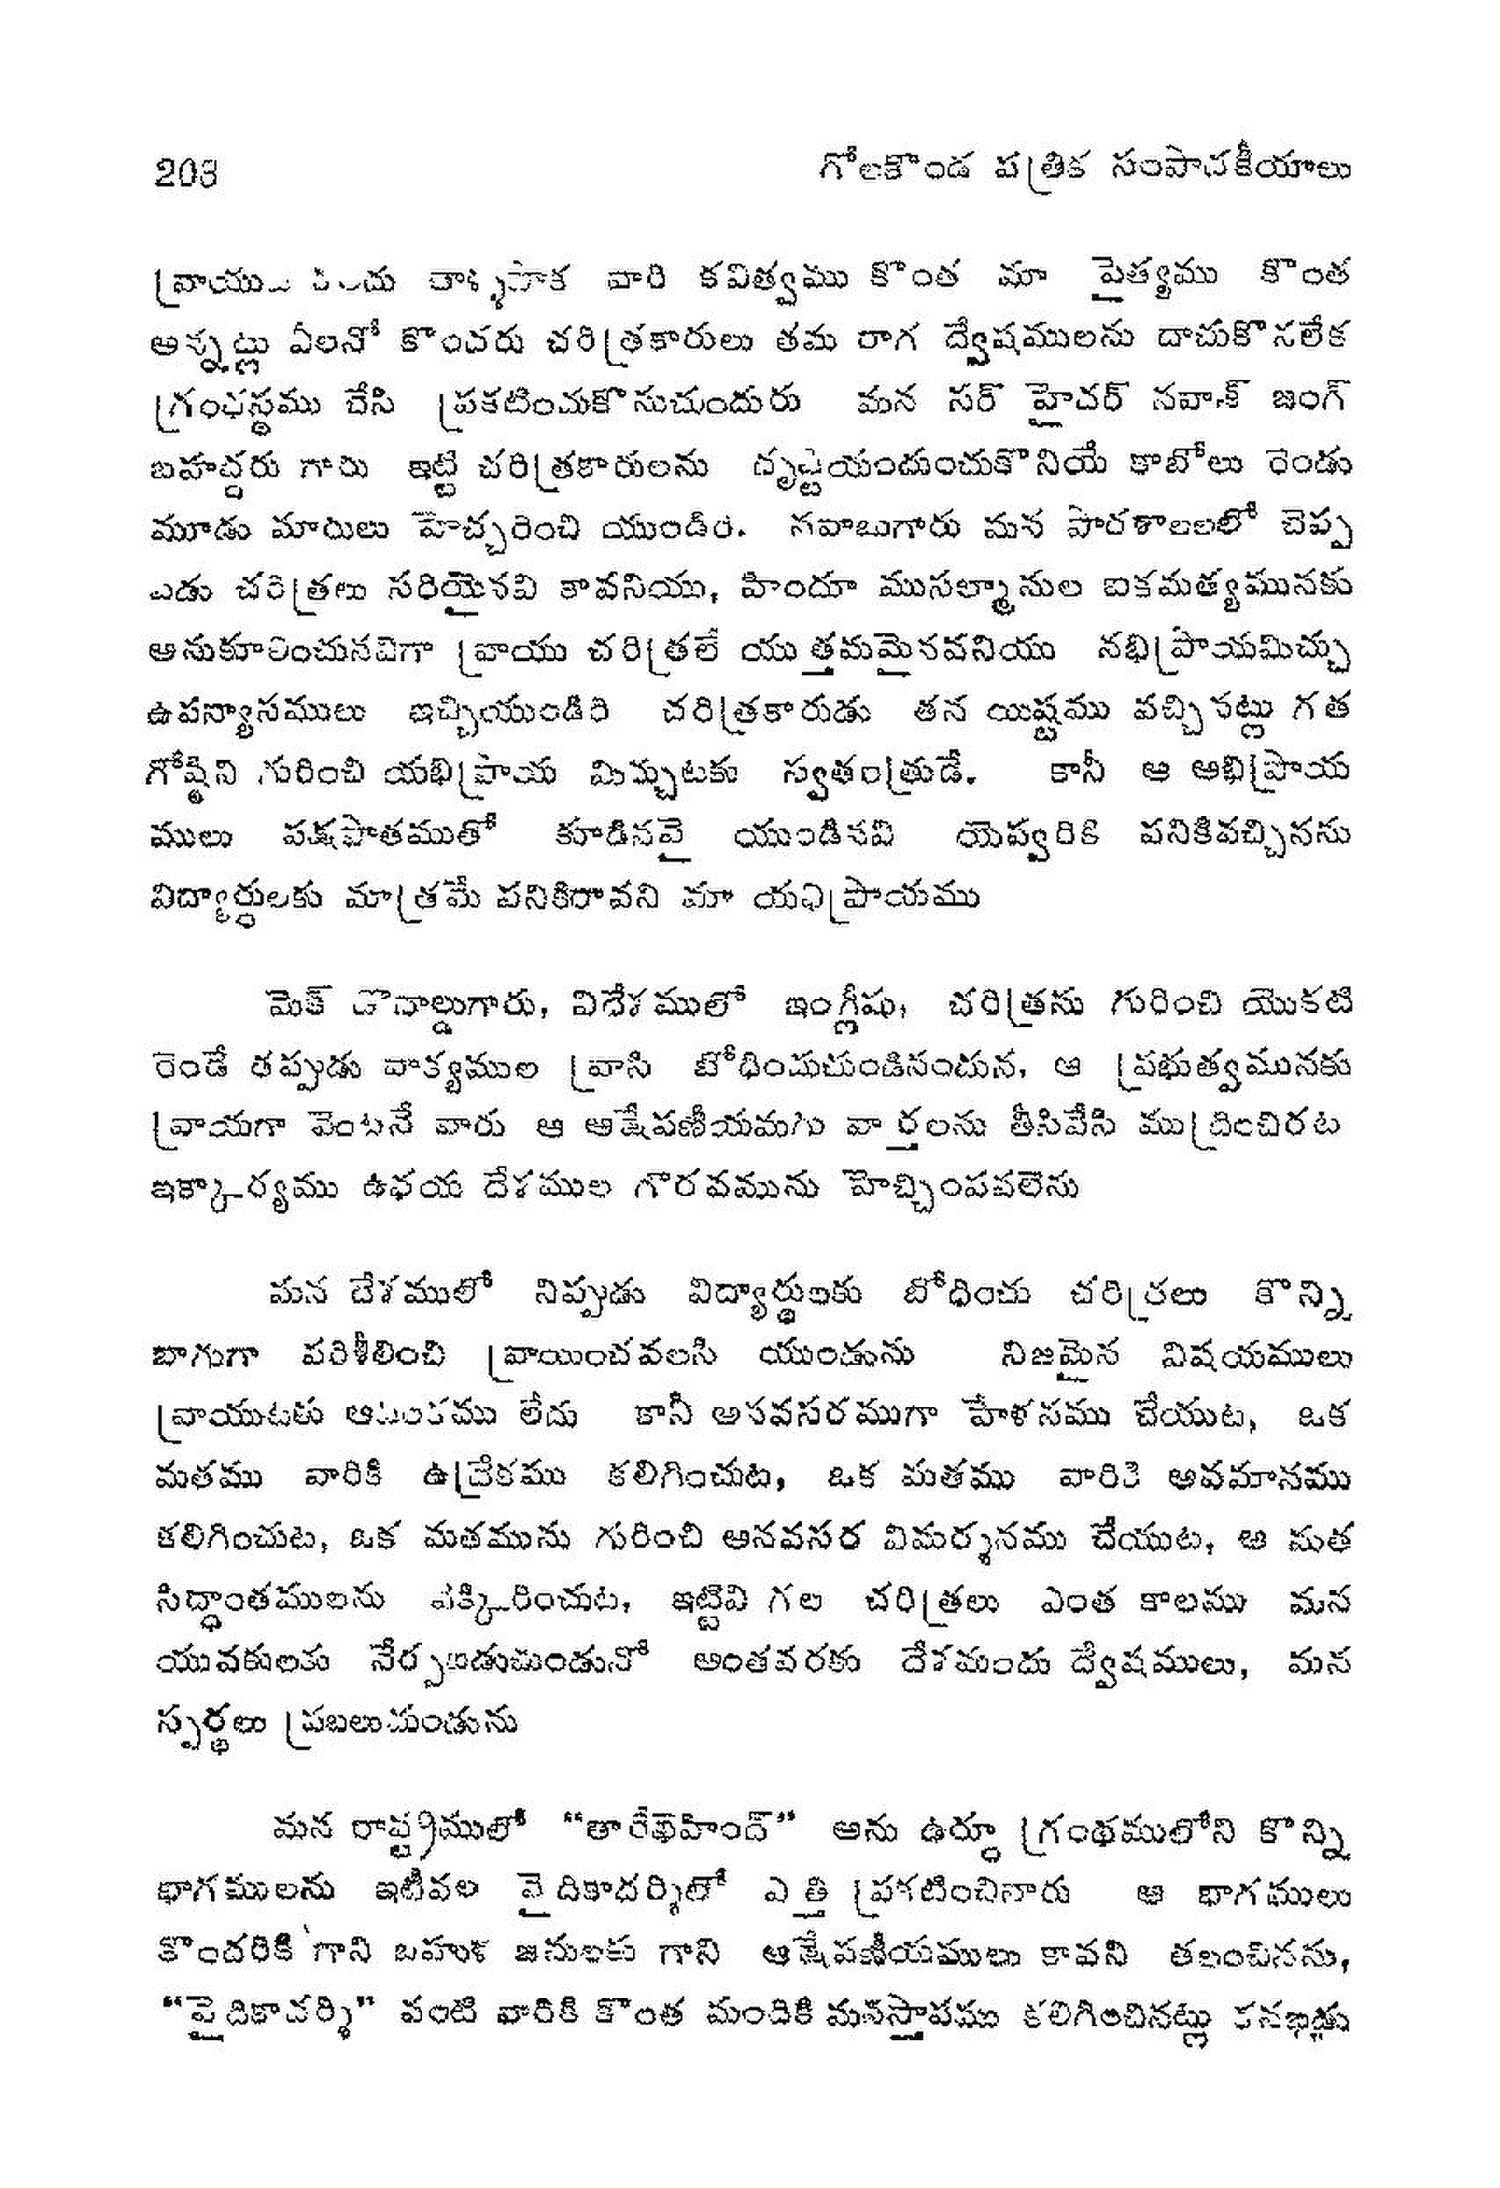వ్రాయుట కలదు తాళ్ళపాక వారి కవిత్వము కొంత మా పైత్యము కొంత అన్నట్లు ఏలనో కొందరు చరిత్రకారులు తమ రాగ ద్వేషములను దాచుకొనలేక గ్రంథస్థము చేసి ప్రకటించుకొనుచుందురు మన సర్ హైదర్ నవాజ్ జంగ్బ హద్దరు గారు ఇట్టి చరిత్రకారులను దృష్టియందుంచుకొనియే కాబోలు రెండు మూడు మారులు హెచ్చరించి యుండిరి. నవాబుగారు మన పాఠశాలలలో చెప్పబడు చరిత్రలు సరియైనవి కావనియు, హిందూ ముసల్మానుల ఐకమత్యమునకు అనుకూలించునవిగా వ్రాయు చరిత్రలే యుత్తమమైనవనియు నభిప్రాయమిచ్చు ఉపన్యాసములు ఇచ్చియుండిరి చరిత్రకారుడు తన యిష్టము వచ్చినట్లు గత గోష్ఠిని గురించి యభిప్రాయ మిచ్చుటకు స్వతంత్రుడే. కానీ ఆ అభిప్రాయములు పక్షపాతముతో కూడినవై యుండినవి యెవ్వరికి పనికివచ్చినను విద్యార్ధులకు మాత్రమే పనికిరావని మా యభిప్రాయము

మెక్ డొనాల్డుగారు, విదేశములో ఇంగ్లీషు, చరిత్రను గురించి యొకటి రెండే తప్పుడు వాక్యముల వ్రాసి బోధించుచుండినందున, ఆ ప్రభుత్వమునకు వ్రాయగా వెంటనే వారు ఆ ఆక్షేపణీయమగు వార్తలను తీసివేసి ముద్రించిరట ఇక్కార్యము ఉభయ దేశముల గౌరవమును హెచ్చింపవలెను

మన దేశములో నిప్పుడు విద్యార్థులకు బోధించు చరిత్రలు కొన్ని బాగుగా పరిశీలించి వ్రాయించవలసి యుండును నిజమైన విషయములు వ్రాయుటకు ఆటంకము లేదు కానీ అనవసరముగా హేళనము చేయుట, ఒక మతము వారికి ఉద్రేకము కలిగించుట, ఒక మతము వారికి అవమానము కలిగించుట, ఒక మతమును గురించి అనవసర విమర్శనము చేయుట, ఆ మత సిద్ధాంతములను వెక్కిరించుట, ఇట్టివి గల చరిత్రలు ఎంత కాలము మన
యువకులకు నేర్పబడుచుండునో అంతవరకు దేశమందు ద్వేషములు, మనస్పర్థలు ప్రబలుచుండును

మన రాష్ట్రములో "తారీఖెహింద్" అను ఉర్దూ గ్రంథములోని కొన్ని భాగములను ఇటీవల వైదికాదర్శిలో ఎత్తి ప్రకటించినారు ఆ భాగములు కొందరికి గాని బహుళ జనులకు గాని ఆక్షేపణీయములు కావని తలంచినను,
"వైదికాదర్శి" వంటి వారికి కొంత మందికి మనస్తాపము కలిగించినట్లు కనబడు